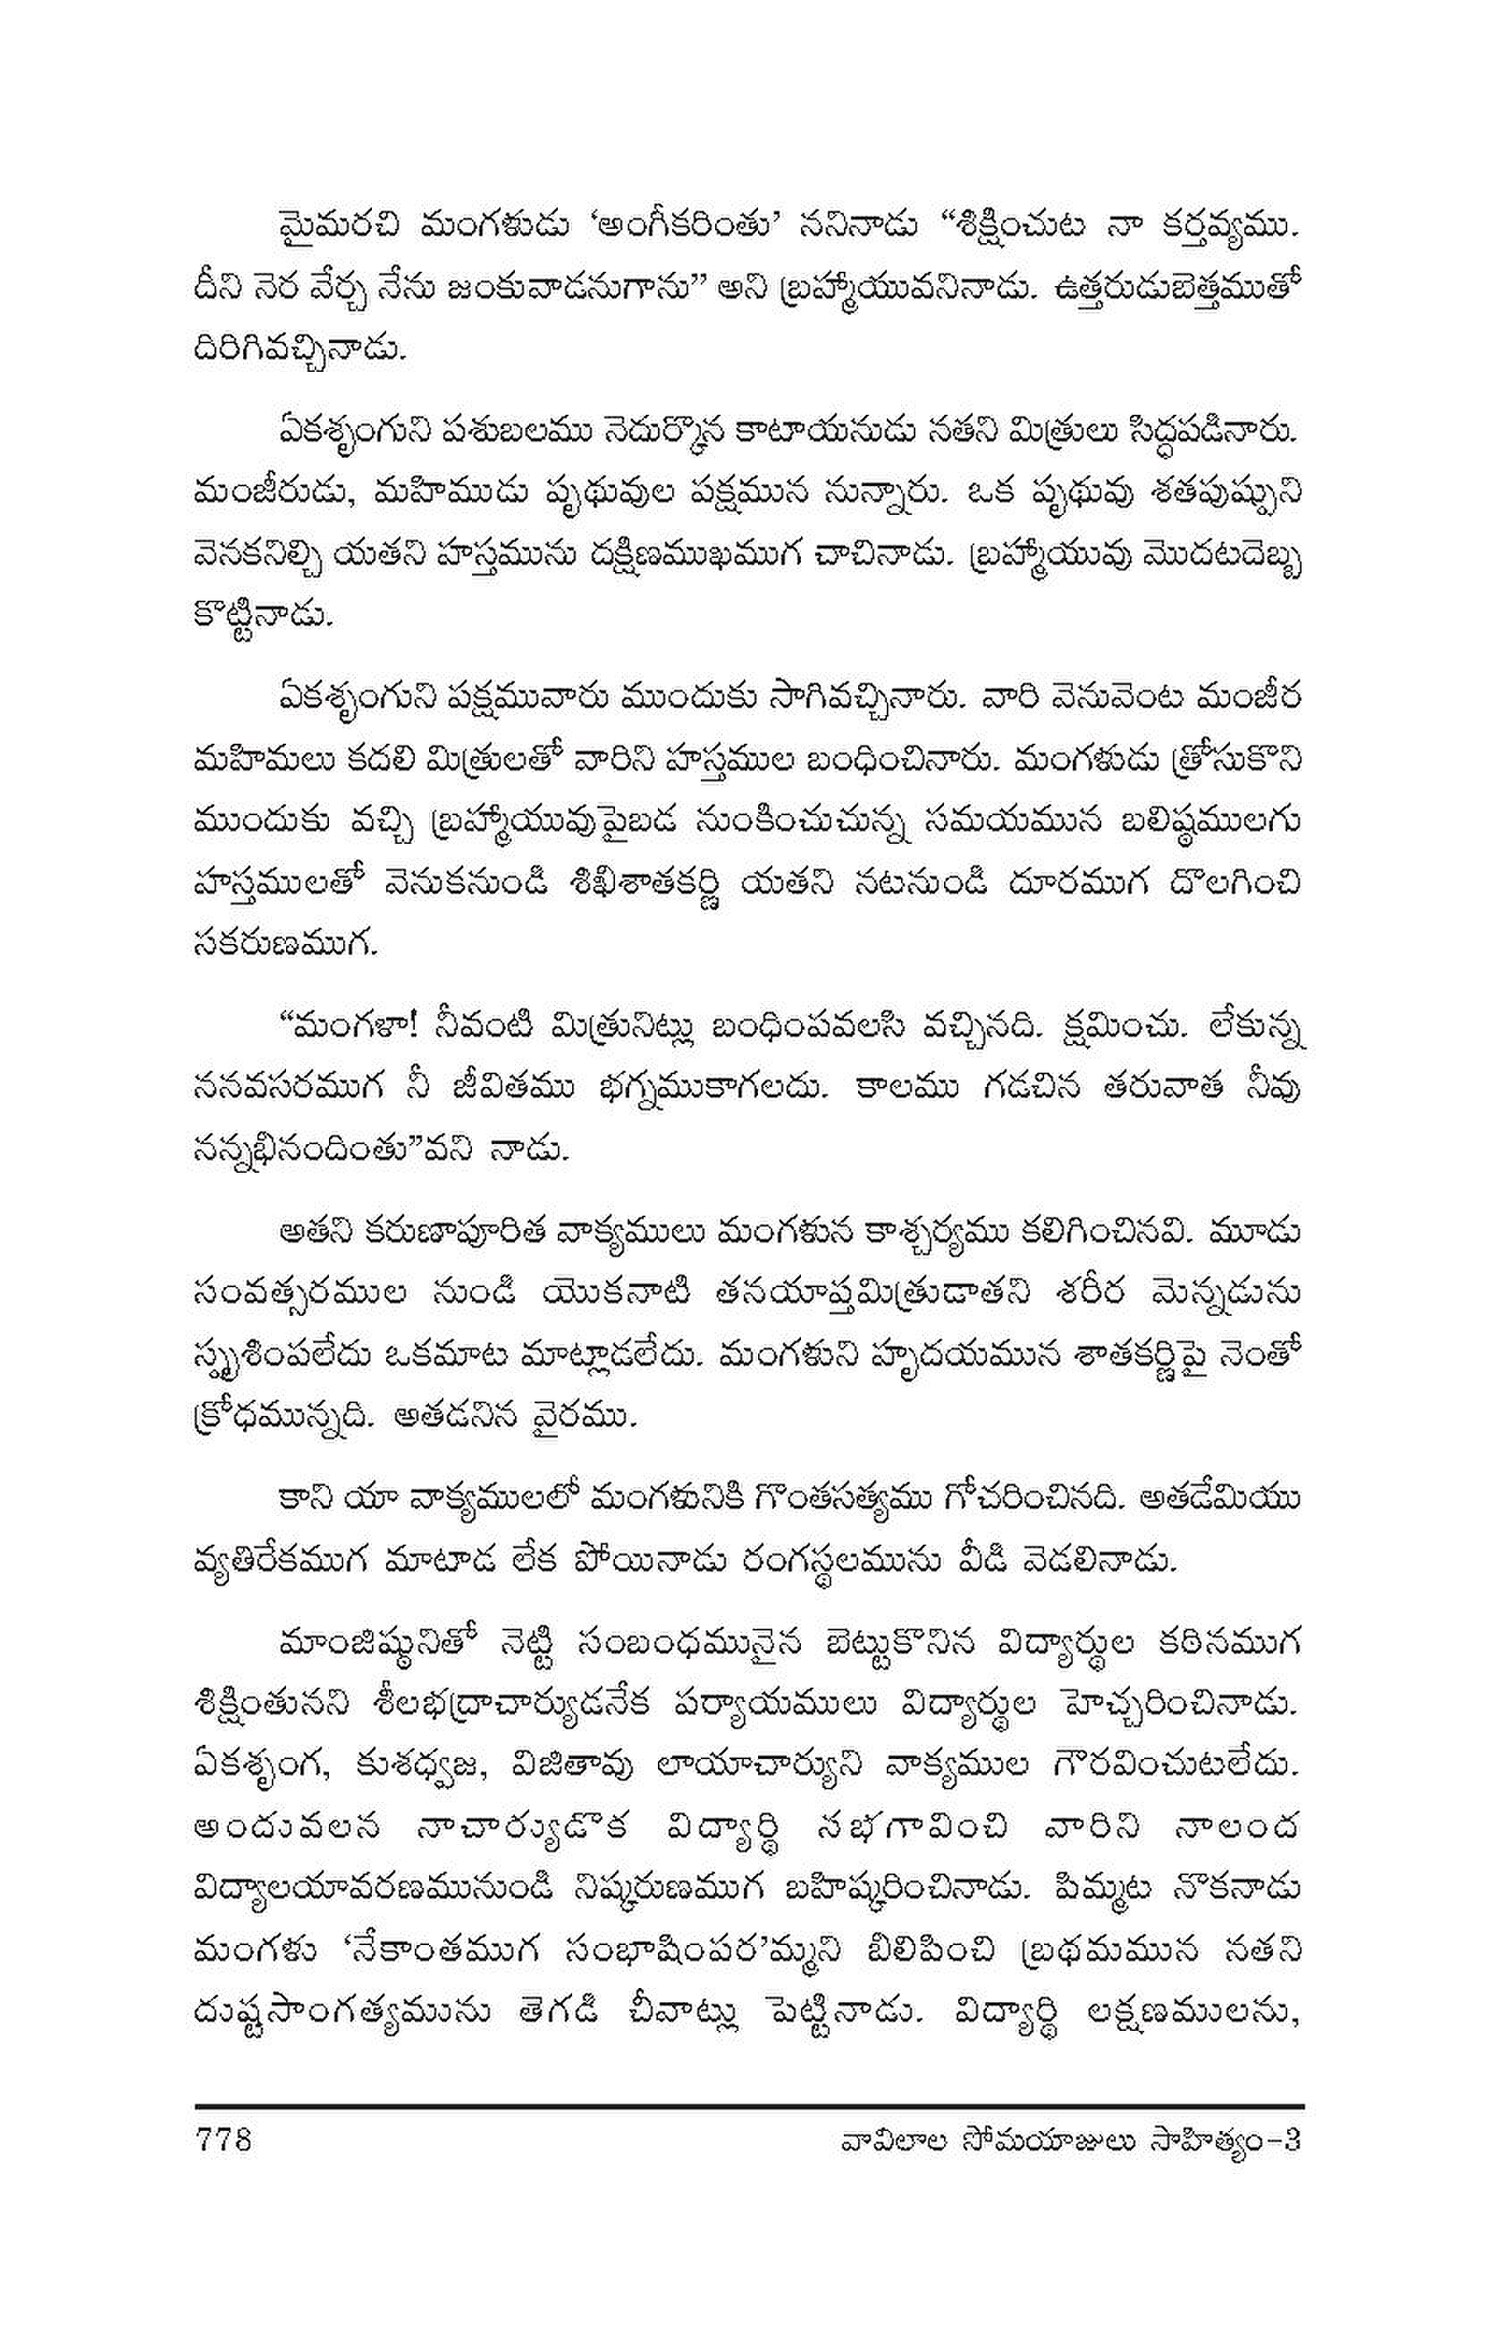మైమరచి మంగళుడు 'అంగీకరింతు' ననినాడు "శిక్షించుట నా కర్తవ్యము. దీని నెర వేర్చ నేను జంకువాడనుగాను" అని బ్రహ్మాయువనినాడు. ఉత్తరుడుబెత్తముతో దిరిగివచ్చినాడు.

ఏకశృంగుని పశుబలము నెదుర్కొన కాటాయనుడు నతని మిత్రులు సిద్ధపడినారు. మంజీరుడు, మహిముడు పృథువుల పక్షమున నున్నారు. ఒక పృథువు శతపుష్పుని వెనకనిల్చి యతని హస్తమును దక్షిణముఖముగ చాచినాడు. బ్రహ్మాయువు మొదటదెబ్బ కొట్టినాడు.

ఏకశృంగుని పక్షమువారు ముందుకు సాగివచ్చినారు. వారి వెనువెంట మంజీర మహిమలు కదలి మిత్రులతో వారిని హస్తముల బంధించినారు. మంగళుడు త్రోసుకొని ముందుకు వచ్చి బ్రహ్మాయువుపైబడ నుంకించుచున్న సమయమున బలిష్ఠములగు హస్తములతో వెనుకనుండి శిఖిశాతకర్ణి యతని నటనుండి దూరముగ దొలగించి కరుణముగ.

"మంగళా! నీవంటి మిత్రునిట్లు బంధింపవలసి వచ్చినది. క్షమించు. లేకున్న ననవసరముగ నీ జీవితము భగ్నముకాగలదు. కాలము గడచిన తరువాత నీవు నన్నభినందింతు"వని నాడు.

అతని కరుణాపూరిత వాక్యములు మంగళున కాశ్చర్యము కలిగించినవి. మూడు సంవత్సరముల నుండి యొకనాటి తనయాప్తమిత్రుడాతని శరీర మెన్నడును స్పృశింపలేదు ఒకమాట మాట్లాడలేదు. మంగళుని హృదయమున శాతకర్ణిపై నెంతో క్రోధమున్నది. అతడనిన వైరము.

కాని యా వాక్యములలో మంగళునికి గొంతసత్యము గోచరించినది. అతడేమియు వ్యతిరేకముగ మాటాడ లేక పోయినాడు రంగస్థలమును వీడి వెడలినాడు.

మాంజిష్ఠునితో నెట్టి సంబంధమునైన బెట్టుకొనిన విద్యార్థుల కఠినముగ శిక్షింతునని శీలభద్రాచార్యుడనేక పర్యాయములు విద్యార్థుల హెచ్చరించినాడు. ఏకశృంగ, కుశధ్వజ, విజితావు లాయాచార్యుని వాక్యముల గౌరవించుటలేదు. అందువలన నాచార్యుడొక విద్యార్థి సభగావించి వారిని నాలంద
విద్యాలయావరణమునుండి నిష్కరుణముగ బహిష్కరించినాడు. పిమ్మట నొకనాడు మంగళు 'నేకాంతముగ సంభాషింపర'మ్మని బిలిపించి బ్రథమమున నతని దుష్టసాంగత్యమును తెగడి చీవాట్లు పెట్టినాడు. విద్యార్థి లక్షణములను,